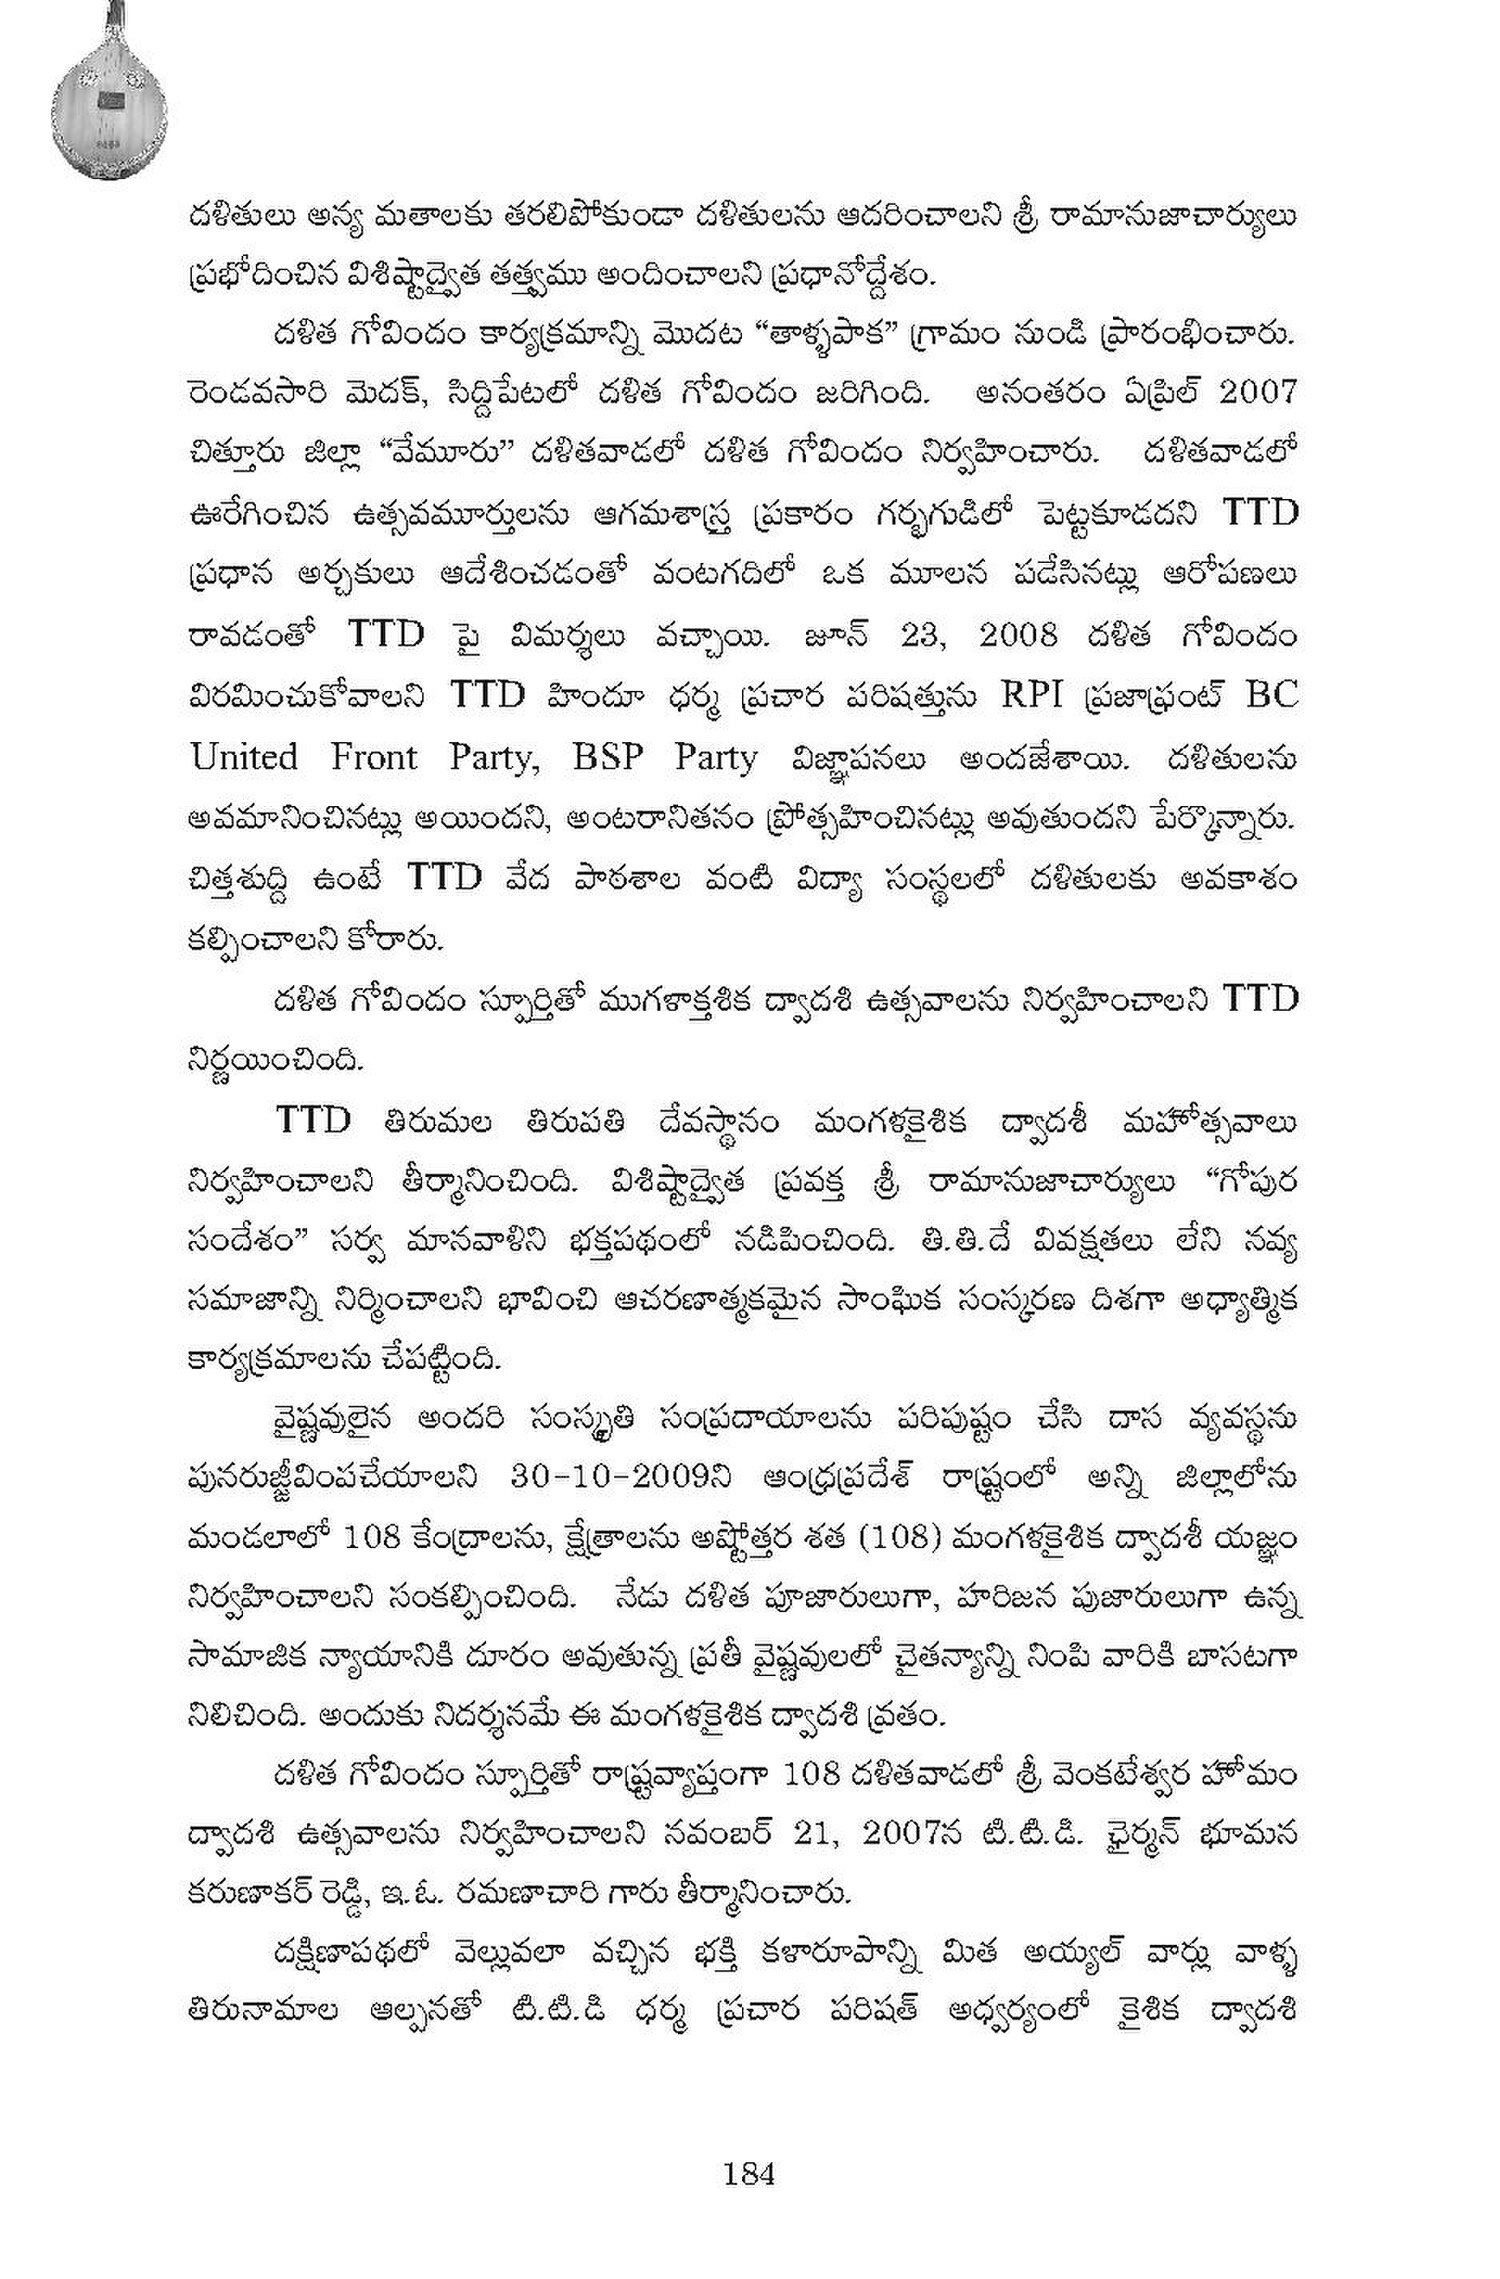దళితులు అన్య మతాలకు తరలిపోకుండా దళితులను ఆదరించాలని శ్రీ రామానుజాచార్యులు ప్రభోదించిన విశిష్టాద్వైత తత్త్వము అందించాలని ప్రధానోద్దేశం.

దళిత గోవిందం కార్యక్రమాన్ని మొదట "తాళ్ళపాక" గ్రామం నుండి ప్రారంభించారు. రెండవసారి మెదక్, సిద్దిపేటలో దళిత గోవిందం జరిగింది. అనంతరం ఏప్రిల్ 2007 చిత్తూరు జిల్లా “వేమూరు” దళితవాడలో దళిత గోవిందం నిర్వహించారు. దళితవాడలో ఊరేగించిన ఉత్సవమూర్తులను ఆగమశాస్త్ర ప్రకారం గర్భగుడిలో పెట్టకూడదని TTD ప్రధాన అర్చకులు ఆదేశించడంతో వంటగదిలో ఒక మూలన పడేసినట్లు ఆరోపణలు రావడంతో TTD పై విమర్శలు వచ్చాయి. జూన్ 23, 2008 దళిత గోవిందం విరమించుకోవాలని TTD హిందూ ధర్మ ప్రచార పరిషత్తును RPI ప్రజాఫ్రంట్ BC United Front Party, BSP Party విజ్ఞాపనలు అందజేశాయి. దళితులను అవమానించినట్లు అయిందని, అంటరానితనం ప్రోత్సహించినట్లు అవుతుందని పేర్కొన్నారు. చిత్తశుద్ది ఉంటే TTD వేద పాఠశాల వంటి విద్యా సంస్థలలో దళితులకు అవకాశం కల్పించాలని కోరారు.

దళిత గోవిందం స్పూర్తితో ముగళాకశిక ద్వాదశి ఉత్సవాలను నిర్వహించాలని TTD నిర్ణయించింది.

TTD తిరుమల తిరుపతి దేవస్థానం మంగళకైశిక ద్వాదశీ మహోత్సవాలు నిర్వహించాలని తీర్మానించింది. విశిష్టాద్వైత ప్రవక్త శ్రీ రామానుజాచార్యులు “గోపుర సందేశం" సర్వ మానవాళిని భక్తపథంలో నడిపించింది. తి.తి.దే వివక్షతలు లేని నవ్య
సమాజాన్ని నిర్మించాలని భావించి ఆచరణాత్మకమైన సాంఘిక సంస్కరణ దిశగా అధ్యాత్మిక కార్యక్రమాలను చేపట్టింది.

వైష్ణవులైన అందరి సంస్కృతి సంప్రదాయాలను పరిపుష్టం చేసి దాస వ్యవస్థను పునరుజ్జీవింపచేయాలని 30-10-2009ని ఆంధ్రప్రదేశ్ రాష్ట్రంలో అన్ని జిల్లాలోను మండలాలో 108 కేంద్రాలను, క్షేత్రాలను అష్టోత్తర శత (108) మంగళకైశిక ద్వాదశీ యజ్ఞం నిర్వహించాలని సంకల్పించింది. నేడు దళిత పూజారులుగా, హరిజన పుజారులుగా ఉన్న సామాజిక న్యాయానికి దూరం అవుతున్న ప్రతీ వైష్ణవులలో చైతన్యాన్ని నింపి వారికి బాసటగా నిలిచింది. అందుకు నిదర్శనమే ఈ మంగళకైశిక ద్వాదశి వ్రతం.

దళిత గోవిందం స్ఫూర్తితో రాష్ట్రవ్యాప్తంగా 108 దళితవాడలో శ్రీ వెంకటేశ్వర హోమం ద్వాదశి ఉత్సవాలను నిర్వహించాలని నవంబర్ 21, 2007న టి.టి.డి. ఛైర్మన్ భూమన కరుణాకర్ రెడ్డి, ఇ.ఓ. రమణాచారి గారు తీర్మానించారు.

దక్షిణాపథలో వెల్లువలా వచ్చిన భక్తి కళారూపాన్ని మిత అయ్యల్ వార్లు వాళ్ళ తిరునామాల ఆల్పనతో టి.టి.డి ధర్మ ప్రచార పరిషత్ అధ్వర్యంలో కైశిక ద్వాదశి